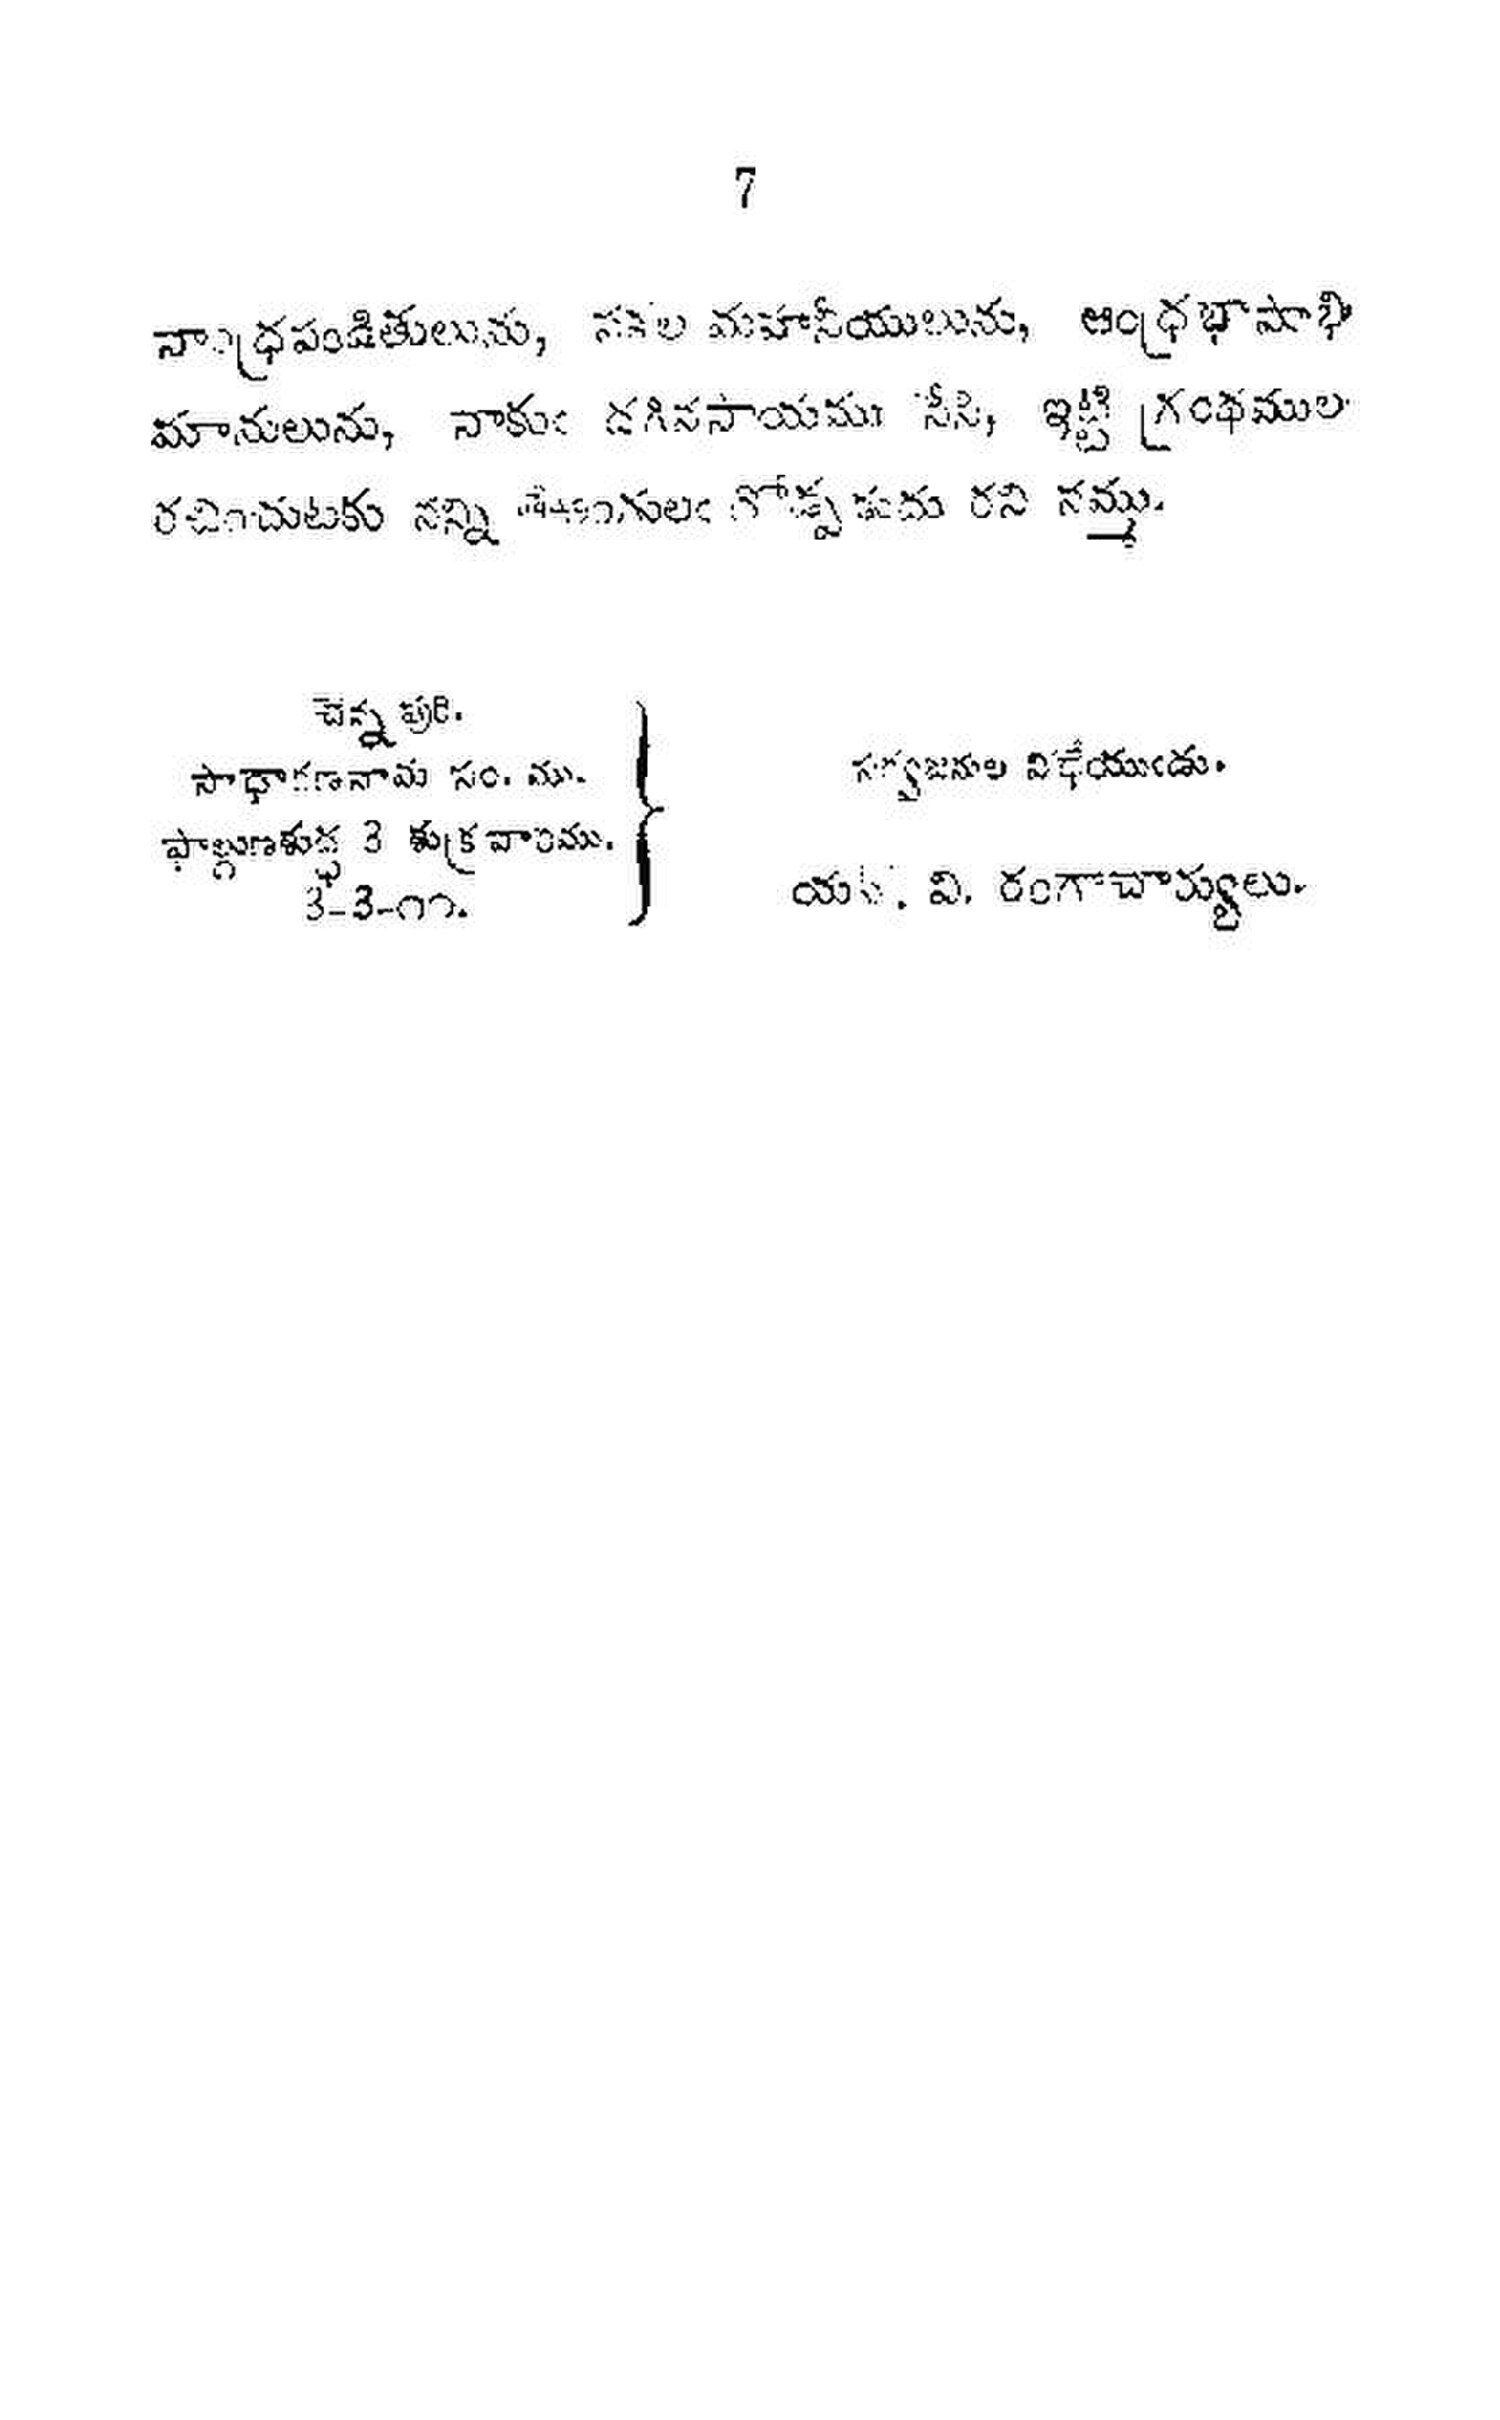నాంధ్రపండితులును, సకల మహనీయులును, ఆంధ్రభాషాభిమానులును, నాకుఁ దగినసాయము సేసి, ఇట్టి గ్రంథముల రచించుటకు నన్ని తెఱంగులఁ తోడ్పడుదు రని నమ్ము.